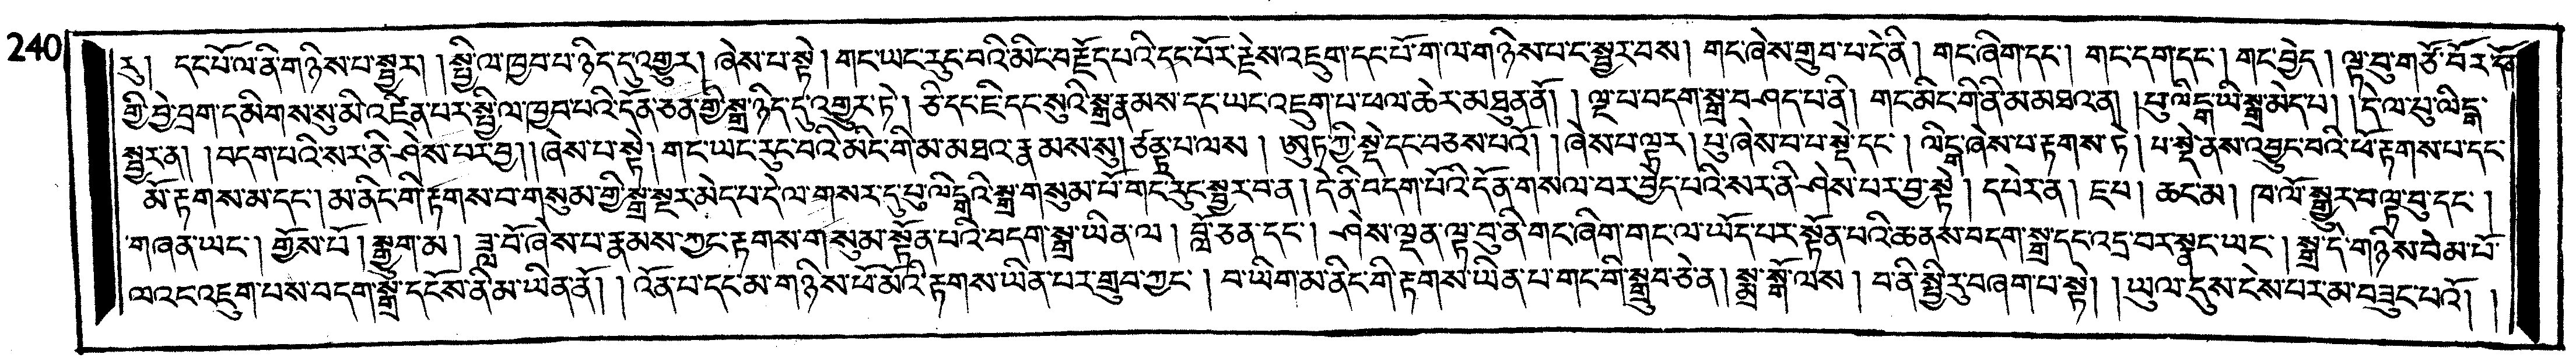རུ། དང་པོ་ལ་ནི་གཉིས་པ་སྦྱར། །སྤྱི་ལ་ཁྱབ་པ་ཉིད་དུ་འགྱུར། ཞེས་པ་སྟེ། གང་ཡང་རུང་བའི་མིང་བརྗོད་པའི་དང་པོར་རྗེས་འཇུག་དང་པོར་རྗེས་འཇུག་དང་པོ་ག་ལ་གཉིས་པ་ང་སྦྱར་བས། གང་ཞེས་གྲུབ་པ་དེ་ནི། གང་ཞིག་དང་། གང་དག་དང་། གང་བྱེད། ལྟ་བུ་གཙོ་བོར་དོན་
གྱི་བྱེ་བྲག་དམིགས་སུ་མི་འཛིན་པར་སྤྱི་ལ་ཁྱབ་པའི་དོན་ཅན་གྱི་སྒྲ་ཉིད་དུ་འགྱུར་ཏེ། ཅི་དང་ཇི་དང་སུའི་སྒྲ་རྣམས་དང་ཡང་འཇུག་པ་ཕལ་ཆེར་མཐུན་ནོ། །ལྔ་པ་བདག་སྒྲ་བཤད་པ་ནི། གང་མིང་གི་ནི་མ་མཐའ་ན། །པུ་ལིངྒ་ཡི་སྒྲ་མེད་པ། །དེ་ལ་པུ་ལིངྒ་
སྦྱར་ན། །བདག་པའི་སར་ནི་ཤེས་པར་བྱ། །ཞེས་པ་སྟེ། གང་ཡང་རུང་བའི་མིང་གི་མ་མཐའ་རྣམས་སུ། །ཙནྟྲ་པ་ལས། ཨུཏྲ་གྱི་སྡེ་དང་བཅས་པའོ། །ཞེས་པ་ལྟར། པུ་ཞེས་པ་པ་སྡེ་དང་། ལིངྒ་ཞེས་པ་རྟགས་ཏེ། པ་སྡེ་ནས་འབྱུང་བའི་ཕོ་རྟགས་པ་དང་
མོ་རྟགས་མ་དང་། མ་ནིང་གི་རྟགས་པ་གསུམ་གྱི་སྒྲ་སྔར་མེད་པ་དེ་ལ་གསར་དུ་པུ་ལིངྒ་སྒྲ་གསུམ་པོ་གང་རུང་སྦྱར་བ་ན། དེ་ནི་བདག་པོའི་དོན་གསལ་བར་བྱེད་པའི་སར་ནི་ཤེས་པར་བྱ་སྟེ། དཔེར་ན། ཇ་པ། ཆང་མ། ཁ་ལོ་སྒྱུར་བ་ལྟ་བུ་དང་།
གཞན་ཡང་། གྱོས་པོ། སྒྱུག་མ། ཟླ་པོ་ཞེས་པ་རྣམས་ཀྱང་རྟགས་གསུམ་སྟོན་པའི་བདག་སྒྲ་ཡིན་ལ། བློ་ཅན་དང་། ཤེས་ལྡན་ལྟ་བུ་ནི་གང་ཞིག་གང་ལ་ཡོད་པར་སྟོན་པའི་ཆ་ནས་བདག་སྒྲ་དང་འདྲ་བར་སྣང་ཡང་། སྒྲ་དེ་གཉིས་བེམ་པོ་
ལའང་འཇུག་པས་བདག་སྒྲ་དངོས་ནི་མ་ཡིན་ནོ། །འོན་པ་དང་མ་གཉིས་ཕ་མོའི་རྟགས་ཡིན་པར་གྲུབ་ཀྱང་། བ་ཡིག་མ་ནིང་གི་རྟགས་ཡིན་པ་གང་གི་སྒྲུབ་ཅེ་ན། སྨྲ་སྒོ་ལས། བ་ནི་སྤྱི་རུ་བཞག་པ་སྟེ། །ཡུལ་དུས་ངེས་པར་མ་བཟུང་པའོ། །